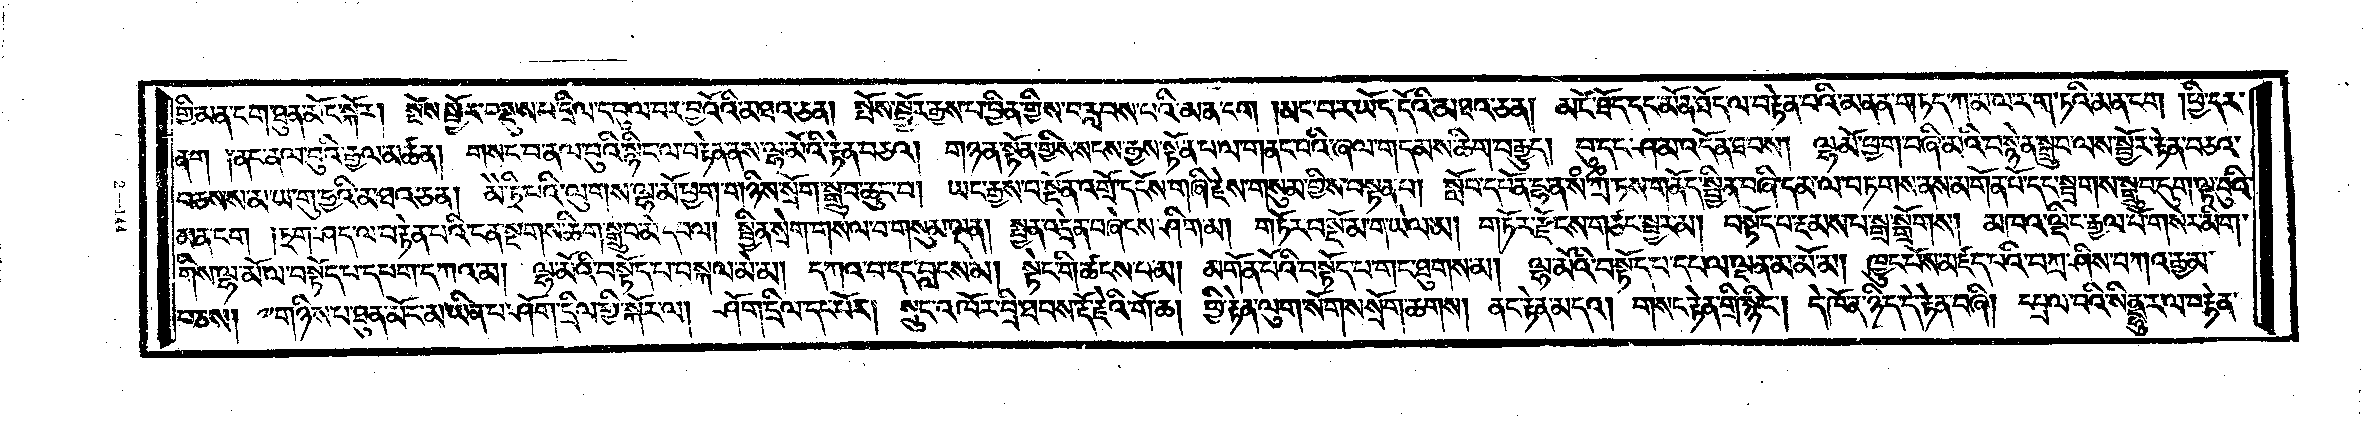གྱི་མན་ངག་ཐུན་མོང་སྐོར། སྔོས་སྦྱོར་བསྡུས་པ་དྲིལ་དབུལ་བར་བྱའོའི་མཐའ་ཅན། སྤོས་སྦྱོར་རྒྱས་པ་བྱིན་གྱིས་བརླབས་པའི་མན་ངག །མང་བར་ཡོད་དོའི་མཐའ་ཅན། མངོན་ཐོད་དང་མོན་ཐོད་ལ་བརྟེན་པའི་མནན་གཏད་ཀ་མ་ལར་ག་ཏའི་མན་ངག །ཕྱི་དར་
ནག ༑ནང་ནལ་བུའི་རྒྱལ་མཚན། གསང་བ་ནལ་བུའི་སྙིང་ལ་བརྟེན་ནས་ལྷ་མོའི་རྟེན་བཅའ། གཉན་སྟོན་གྱིས་སངས་རྒྱས་སྟོན་པ་ལ་གནང་བའི་ཞལ་གདམས་ཆིག་བརྒྱུད། བུ་དང་ཤམ་འདོན་ཐབས། ལྷ་མོ་ཕྱག་བཞི་མའི་བསྙེན་སྒྲུབ་ལས་སྦྱོར་རྟེན་བཅའ་
བཅས་ས་མ་ཡ་གུ་ཧྱའི་མཐའ་ཅན། མཻ་ཏྲི་པའི་ལུགས་ལྷ་མོ་ཕྱག་གཉིས་སྲོག་སྒྲུབ་ཆུང་བ། ཡང་རྒྱས་བ་སྔོན་འགྲོ་དངོས་གཞི་རྗེས་གསུམ་གྱིས་བསྟན་པ། སློབ་དཔོན་དྷ་ན་སཾ་ཀྲྀ་ཏས་གནོད་སྦྱིན་བཞི་དམ་ལ་བཏགས་ནས་མགོན་པོ་དང་སྦྲགས་སྒྲུབ་དུག་ལྟ་བུའི་
མན་ངག །ཏྲག་ཤད་ལ་བརྟེན་པའི་ངན་སྔགས་ཚིག་སྒྲུབ་མེད་དཔལ། སྦྱིན་སྲེག་གསལ་བ་གསུམ་ལྡན། སྤྱིན་འདྲེན་བཞེངས་ཤིག་མ། གཏོར་བསྔོ་མ་གཡེལ་མ། གཏོར་རྫོངས་གཙང་སྦྱར་མ། བསྟོད་པ་རྔམས་པ་སྒྲ་སྒྲོགས། མཁའ་ལྡིང་རྒྱལ་པོ་གསར་མིག་
གིས་ལྷ་མོ་ལ་བསྟོད་པ་དཔག་དཀའ་མ། ལྷ་མོའི་བསྟོད་པ་བསྐལ་མེ་མ། དཀའ་བ་དང་བླངས་མ། སྟེང་གི་ཚངས་པ་མ། མགོན་པོའི་བསྟོད་པ་གང་ཐུགས་མ། ལྷ་མོའི་བསྟོད་པ་དཔལ་ལྡན་མ་མོ་མ། ཁྱུང་པོས་མཛད་པའི་བཀྲ་ཤིས་བཀའ་རྒྱ་མ་
བཅས། ༧གཉིས་པ་ཐུན་མོང་མ་ཡིན་པ་ཤོག་དྲིལ་གྱི་སྐོར་ལ། ཤོག་དྲིལ་དང་པོར། སྲུང་འཁོར་བྲི་ཐབས་རྡོ་རྗེའི་གོ་ཆ། ཕྱི་རྟེན་ལུག་སོགས་སྲོག་ཆགས། ནང་རྟེན་མདའ། གསང་རྟེན་གྲི་སྙིང་། དེ་ཁོ་ན་ཉིད་དེ་རྟེན་བཞི། དཔྲལ་བའི་སིནྡྷུ་ར་ལ་བརྟེན་